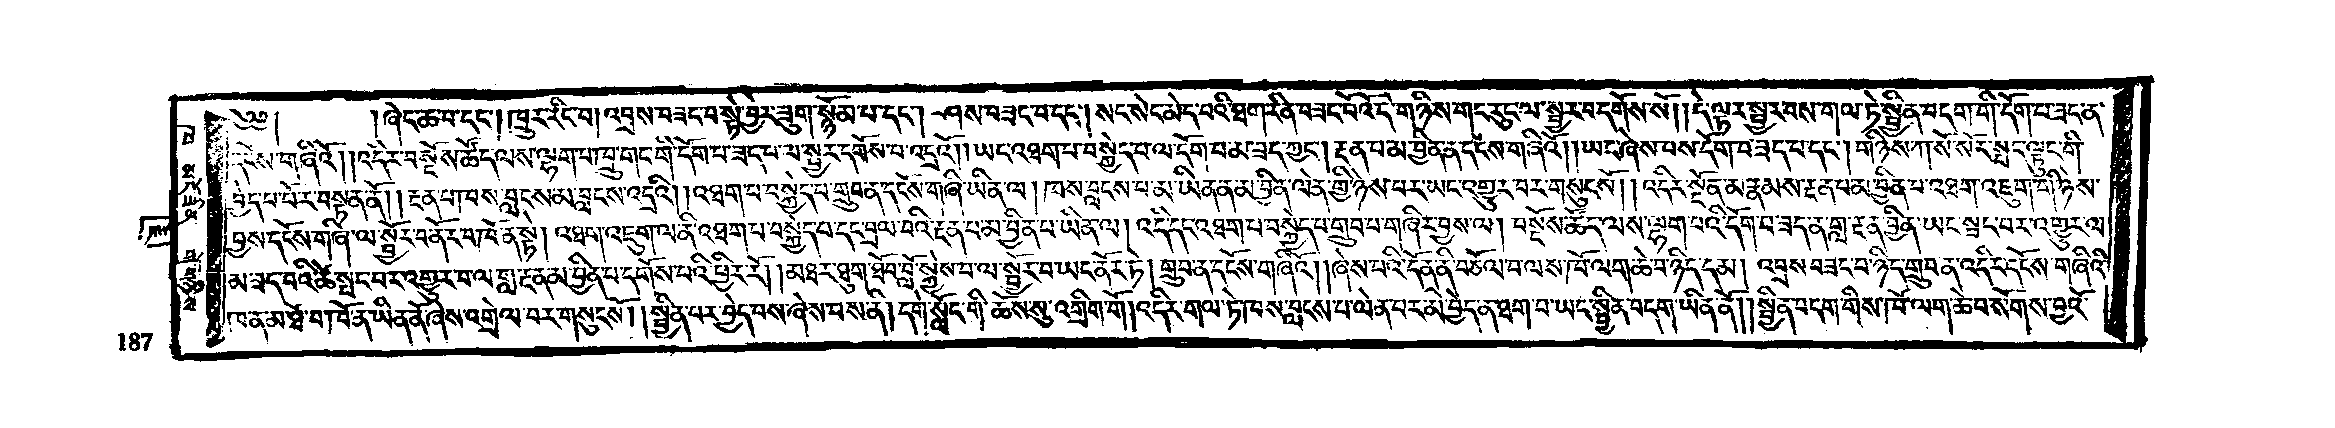༄༅། །ཞེང་ཆ་བ་དང་། ཁྲུར་རིང་བ། འབྲས་བཟང་བ་སྟེ་བྱེར་ཟུག་སྙོམ་པ་དང་། ཤས་བཟང་བ་དང་། སང་སེང་མེད་པའི་ཐག་རིན་བཟང་པོའོ་དེ་གཉིས་གང་རུང་ལ་སྦྱར་བ་དགོས་སོ། །དེ་ལྟར་སྦྱར་བས་གལ་ཏེ་སྦྱིན་བདག་གི་དོག་པ་ཟང་ན་
དངོས་གཞིའོ། །འདིར་བསྔོས་ཚོད་ལས་ལྷག་པ་ཁྲུ་གང་གི་དོག་པ་ཟད་པ་ལ་སྦྱར་དགོས་པ་འདྲའོ། །ཡང་འཐག་པ་བསྐྱེད་པ་ལ་དོག་པ་མ་ཟད་ཀྱང་། རྔན་པ་མ་བྱིན་ན་དངོས་གཞིའོ། །ཡང་ཞེས་པས་དོག་པ་ཟད་པ་དང་། གཉིས་ཀ་སོ་སོར་སྤང་ལྟུང་གི་
བྱེད་པ་པོར་བསྟན་ནོ། །རྔན་པ་ཁས་བླངས་མ་བླངས་འདྲའི། །འཐག་པ་བསྐྱེད་པ་གྲུབ་ན་དངོས་གཞི་ཡིན་ལ། ཁས་བླངས་པ་མ་ཡིན་ན་མ་བྱིན་ལེན་གྱི་ཉེས་པར་ཡང་འགྱུར་བར་གསུངས་སོ། །འདིར་སྔོན་མ་རྣམས་རྔན་པ་མ་བྱིན་པ་འཐག་འཇུག་གི་ཉེས་
བྱས་དངོས་གཞི་ལ་སྦྱོར་བ་ནོར་བ་ཁོ་ན་སྟེ། འཐག་འཇུག་ལ་ནི་འཐག་པ་བསྐྱེད་པ་དང་བྲལ་བའི་རྔན་པ་མ་བྱིན་པ་ཡིན་ལ། འདི་དང་འཐག་པ་བསྐྱེད་པ་གྲུབ་པ་གཞིར་བྱས་ལ། བསྔོས་ཚོད་ལས་ལྷག་པའི་དོག་པ་ཟད་ན་གླ་རྔན་བྱིན་ཡང་སྤང་བར་འགྱུར་ལ་
མ་ཟད་པའི་ཚེ་སྤང་བར་འགྱུར་བ་ལ་གླ་རྔན་མ་བྱིན་པ་དགོས་པའི་ཕྱིར་རོ། །མཐར་ཐུག་ཐོབ་བློ་སྐྱེས་པ་ལ་སྦྱོར་བ་ཡང་ནོར་ཏེ། གྲུབ་ན་དངོས་གཞིའོ། །ཞེས་པའི་དོན་ནི་བཅོལ་བ་ལས་ཁོ་ལག་ཆེ་བ་ཉིད་དམ། འབྲས་བཟང་བ་ཉིད་གྲུབ་ན་འདིར་དངོས་གཞིའི་
ཁ་ན་མ་ཐོ་བ་ཁོ་ན་ཡིན་ནོ་ཞེས་འགྲེལ་པར་གསུངས་སོ། །སྦྱིན་པར་བྱེད་པས་ཞེས་པས་ནི། དགེ་སློང་གི་ཆོས་སུ་འགྲིག་གོ །འདིར་གལ་ཏེ་ཁས་བླངས་པ་ལེན་པར་མི་བྱེད་ན་ཐག་པ་ཡང་སྦྱིན་བདག་ཡིན་ནོ། །སྦྱིན་བདག་གིས་ཁོ་ལག་ཆེ་བ་སོགས་བྱའོ་